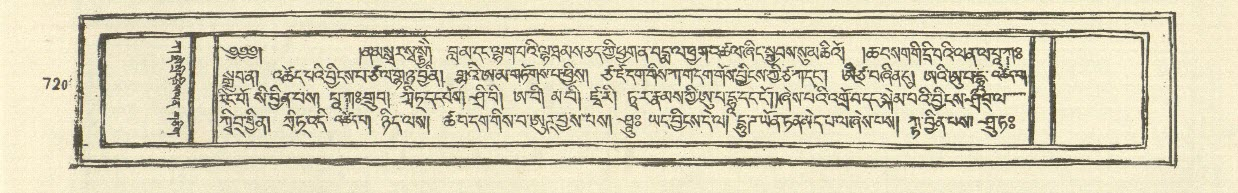༄༅༅། །ན་མ་སྶྲར་སྭ་སྟཻ། བླ་མ་དང་ལྷག་པའི་ལྷ་ཐམས་ཅད་ཀྱི་ཕྱག་ན་པདམ་ལ་ཕྱག་འཚལ་ཞིང་སྐྱབས་སུ་མཆིའོ། །ཆ་བསག་གི་དྲི་བའི་ལན་ལ་བཱ་ཀཿ
སྒྲུབ་ན། འཚེད་པའི་བྱིངས་པ་ཙལྒྷ་ཉ་བྱིན། གྷའི་ཨ་མ་གཏོགས་པ་ཕྱིས། ཙ་ཛ་དག་གེས་ཀ་གདག་གོས་བྱིངས་ཀྱི་ཙ་ཀ་དང་། ཨི་ཙྲ་བཞིན་དུ། ཨཱི་ཨུ་པདྷཱ་འཚད་བ།
རིང་པོ། སི་བྱིན་པས། པཱ་ཀཿ གྲུབ། ཀྲིཏྲ་དང་པོས། ཤྲི་བི། ཨ་བི། མ་བི། ཛྭ་རི། ཏྭ་ར་རྣམས་ཀྱི་ཨུ་པ་དྷཱ་དང་ངོ། །ཞེས་པའི་འགྲོ་བ་དང་སྐེམ་པའི་བྱིངས་ཤྲི་བྲལ་
ཀཱ་བུ་ཕྱིན། ཀྲི་ཏ་འདི་འཚེད་པ། ཉིད་ལས། ཚ་བདག་གིས་པ་ཨུཊ་བྱས་པས། ཤྲཱུཿ ཡང་བྱིངས་དེ་ལ། དྷ་ཌ་ཡོན་ཏན་མེད་པ་ལ་ཞེས་པས། ཀྟ་བྱིན་པས། ཤྲུ་ཏཿ